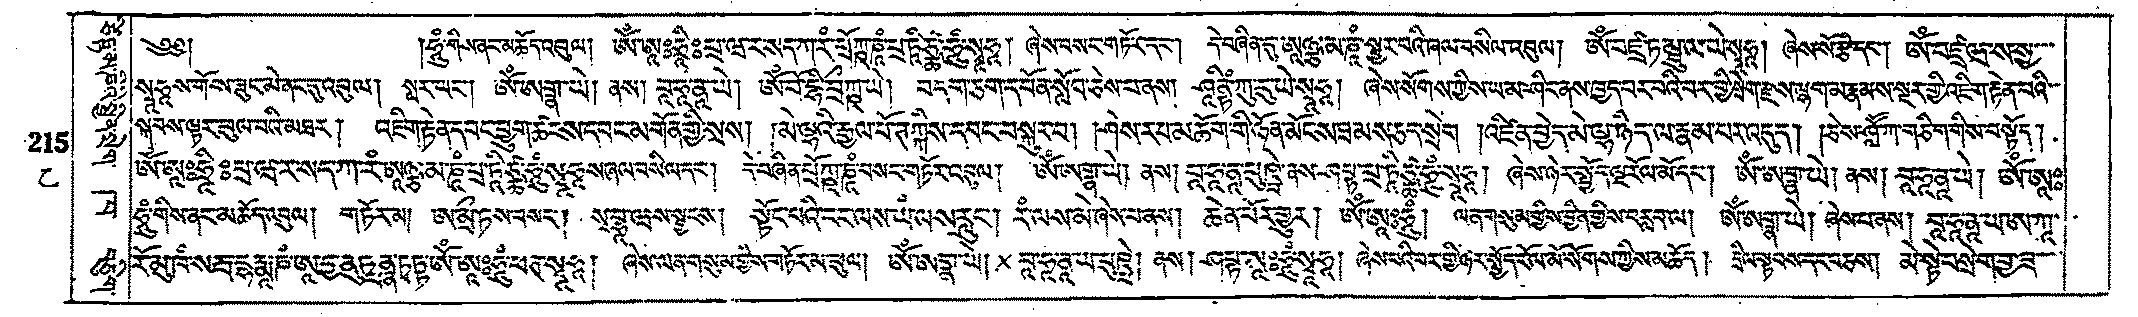༄༅། །ཧཱུཾ་གིས་ནང་མཆོད་འབུལ། ཨོཾ་ཨཱཿཧྲཱིཿཔྲ་ལྭ་ར་སད་ཀ་རཾ་པྲོཀྵ་ཎཱཾ་པྲ་ཏཱི་ཙྪ་ཧཱུཾ་སྭཱཧཱ། ཞེས་བསང་གཏོར་དང་། དེ་བཞིན་དུ་ཨཱཉྩ་མ་ཎཱཾ་སྦྱར་བའི་ཞལ་བསིལ་འབུལ། ཨོཾ་བཛྲ་ཏམྦུ་ལ་ཡེ་སྭཱཧཱ། ཞེས་སོ་རྩི་དང་། ཨོཾ་བཛྲ་ལྭ་ས་སྱ་་་
སྭཱཧཱས་གོས་ཟུང་མེ་ནང་དུ་འབུལ། སླར་ཡང་། ཨོཾ་ཨགན་ཡེ། ནས་བཱ་ཧཱ་ནཱ་ཡེ། ཨོཾ་བོ་དྷི་བྲྀཀྵ་ཡེ། བདག་ཅག་དཔོན་སློབ་ཅེས་པ་ནས། ཤཱནྟིཾ་ཀུ་རུ་ཡེ་སྭཱཧཱ། ཞེས་སོགས་ཀྱིས་ཡམ་ཤིང་ནས་ཁྱད་པར་བའི་བར་གྱི་སྲེག་རྫས་ལྷག་མ་རྣམས་སྔར་གྱི་འཇིག་རྟེན་པའི་་་
སྐབས་ལྟར་ཕུལ་བའི་མཐར། འཇིག་རྟེན་དབང་ཕྱུག་ཚངས་དབང་མགོན་གྱི་སྲས། །མེ་ལྷའི་རྒྱལ་པོ་ཊཀྐིས་དབང་བསྐུར་བ། །ཤེས་རབ་མཆོག་གི་ཉོན་མོངས་ཐམས་ཅད་སྲེག །འཛིན་བྱེད་མེ་ལྷ་ཉིད་ལ་རྣམ་པར་འདུད། །ཅེས་ཤOཨོ་ཀ་གཅིག་གིས་བསྟོད།
ཨོཾ་ཨཱཿཧྲཱིཿཔྲ་ལྭ་ར་སད་ཀ་རཾ་ཨཱཉྩ་མ་ཎཱཾ་པྲ་ཏཱི་ཙྪ་ཧཱུཾ་སྭཱཧཱས་ཞལ་བསིལ་དང་། དེ་བཞིན་པྲོཀྵ་ཎཱཾ་བསང་གཏོར་འབུལ། ཨོཾ་ཨགན་ཡེ། ནས། བཱ་ཧཱ་ནཱ་པུཥྤེ་ནས་ཤཔྟ་པྲ་ཏཱི་ཙྪ་ཧཱུཾ་སྭཱཧཱ། ཞེས་ཉེར་སྤྱོད་ལྔ་རོལ་མོ་དང་། ཨོཾ་ཨགན་ཡེ། ནས་བཱ་ཧཱ་ནཱ་ཡེ། ཨོཾ་ཨཱཿ
ཧཱུཾ་གིས་ནང་མཆོད་འབུལ། གཏོར་མ། ཨ་མྲྀ་ཏས་བསང་། སྭ་བྷཱ་ལྭས་སྦྱངས། སྟོང་པའི་ངང་ལས་ཡཾ་ལས་རླུང་། རཾ་ལས་མེ་ཞེས་པ་ནས། ཆེན་པོར་གྱུར། ཨོཾ་ཨཱཿཧཱུཾ། ལན་གསུམ་གྱིས་བྱིན་གྱིས་བརླབ་ལ། ཨོཾ་ཨགན་ཡེ། ཞེས་པ་ནས། བཱ་ཧཱ་ནཱ་ཡ་ཨ་ཀཱ་
རོ་མུ་ཁཾ་སརྦ་དྷརྨཱ་ཎཾ་ཨཱ་དྱ་ནུཏྤནྣ་ཏྭཏྟ་ཨོཾ་ཨཱཿཧཱུཾ་ཕཊ་སྭཱཧཱ། ཞེས་ལན་གསུམ་གྱིས་གཏོར་མ་ཕུལ། ཨོཾ་ཨགན་ཡེ། ྾་བཱ་ཧཱ་ནཱ་ཡ་པུ་ཥྤེ། ནས། ཤཔྟ་ཨཱཿཧཱུཾ་སྭཱཧཱ། ཞེས་པའི་བར་གྱི་ཉར་སྤྱོད་རོལ་མོ་སོགས་ཀྱིས་མཆོད། དྲིལ་སྟབས་དང་བཅས། མེ་སྟེ་བསྲེག་བྱ་ཟ་་་